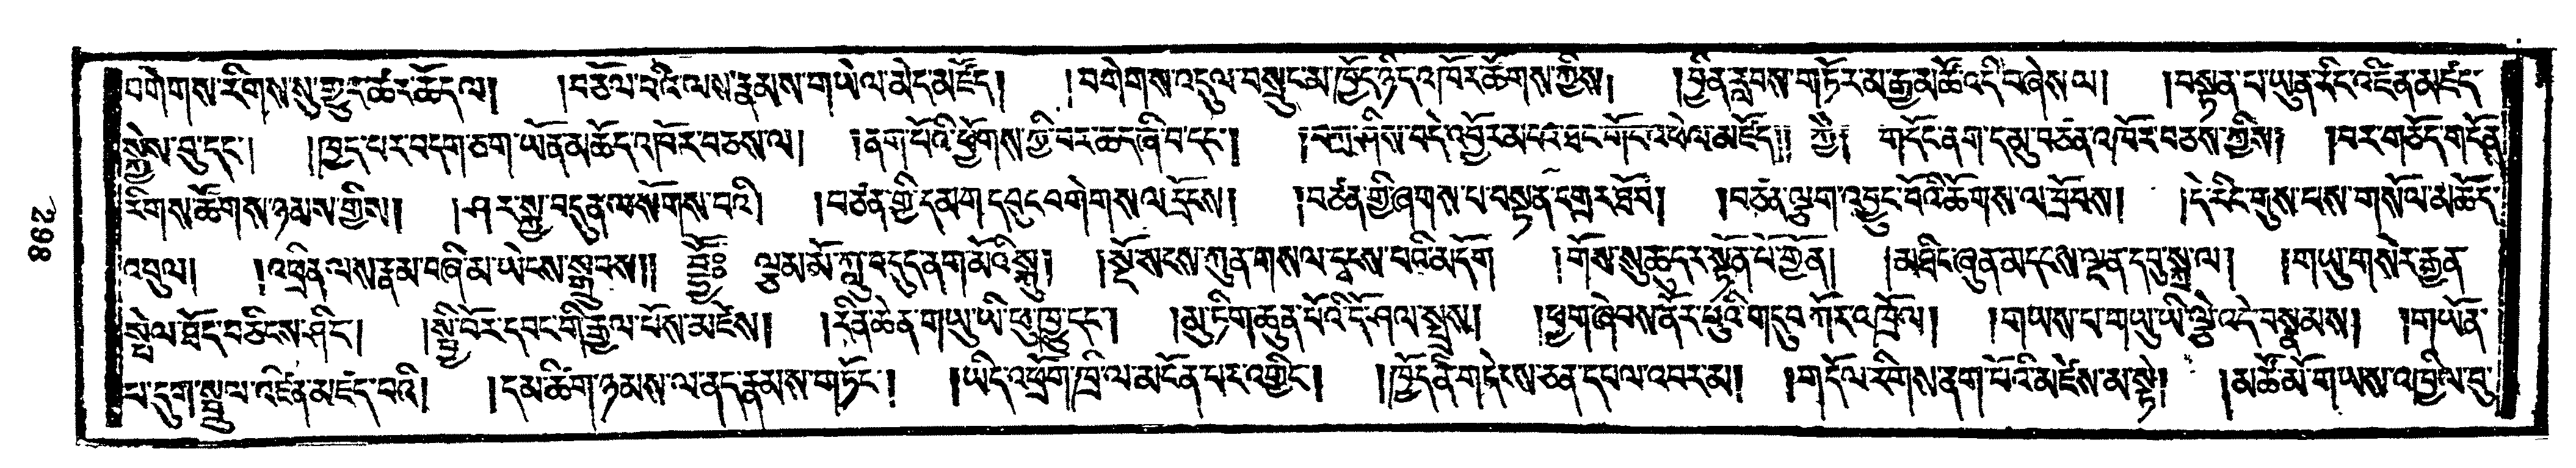བགེགས་རིགས་སུ་གྱུར་ཚར་ཆོད་ལ། །བཅོལ་བའི་ལས་རྣམས་གཡེལ་མེད་མཛོད། །བགེགས་འདུལ་བསྲུང་མ་ཁྱོད་ཉིད་འཁོར་ཚོགས་ཀྱིས། །བྱིན་རླབས་གཏོར་མ་རྒྱ་མཚོ་འདི་བཞེས་ལ། །བསྟན་པ་ཡུན་རིང་འཛིན་མཛད་
སྐྱེས་བུ་དང་། །ཁྱད་པར་བདག་ཅག་ཡོན་མཆོད་འཁོར་བཅས་ལ། །ནག་པོའི་ཕྱོགས་ཀྱི་བར་ཆད་ཞི་བ་དང་། །བཀྲ་ཤིས་བདེ་འབྱོར་མངའ་ཐང་གོང་འཕེལ་མཛོད།། ཀྱཻ༑ གདོང་ནག་དམུ་བཙན་འཁོར་བཅས་ཀྱིས། །བར་གཅོད་གདོན་
རིགས་ཚོགས་ཉམས་གྱིས། །ཤ་ར་སྐྱ་བདུན་ལ་སོགས་པའི། །བཙན་གྱི་དམག་དབུང་བགེགས་ལ་དྲོངས། །བཙན་གྱི་ཞགས་པ་བསྟན་དགྲར་ཐོབ། །བཙན་ལྕགས་འབྱུང་བོའི་ཆོགས་ལ་བྲོབས། །དེ་རིང་གུས་པས་གསོལ་མཆོད་
འབུལ། །འཕྲིན་ལས་རྣམ་བཞི་མ་ཡེངས་སྒྲུབས།། བྷྱཽཿ ལྕམ་མོ་ཀླུ་བདུད་ནག་མོའི་སྐུ། །སྔོ་སངས་ཀུན་གསལ་དྭངས་པའི་མདོག །གོས་སུ་ཆུ་དར་སྟོན་པོ་གྱོན། །མཐིང་ཞུན་མདངས་ལྡན་དབུ་སྐྲ་ལ། །གཡུ་གསེར་རྒྱན་
སྤེལ་ཐོད་བཅིངས་ཤིང་། །སྤྱི་བོར་དབང་གི་རྒྱལ་པོས་མཛེས། །རིན་ཆེན་གཡུ་ཡི་ཕུ་ཁྱུ་དང་། །མུ་ཏིག་ཆུན་པོའི་དོ་ཤལ་སྤྲས། །ཕྱག་ཞེབས་ནོར་པུའི་གདུབ་ཀོར་འཁྲོལ། །གཡས་པ་གཡུ་ཡི་ལྕེ་འདེ་བསྣམས། །གཡོན་
པ་དུག་སྤྲུལ་འཛིན་མཛད་པའི། །དམ་ཚིག་ཉམས་ལ་ནད་རྣམས་གཏོང་། །ཡིད་འཕྲོག་ཁྲི་ལ་མངོན་པར་འགྱིང་། །ཁྱོད་ནི་གདེངས་ཅན་དཔལ་འབར་མ། །གདོལ་རིགས་ནག་པོའི་མཛེས་མ་སྟེ། །མཚོ་མོ་གཡས་འཁྱིལ་བུ་